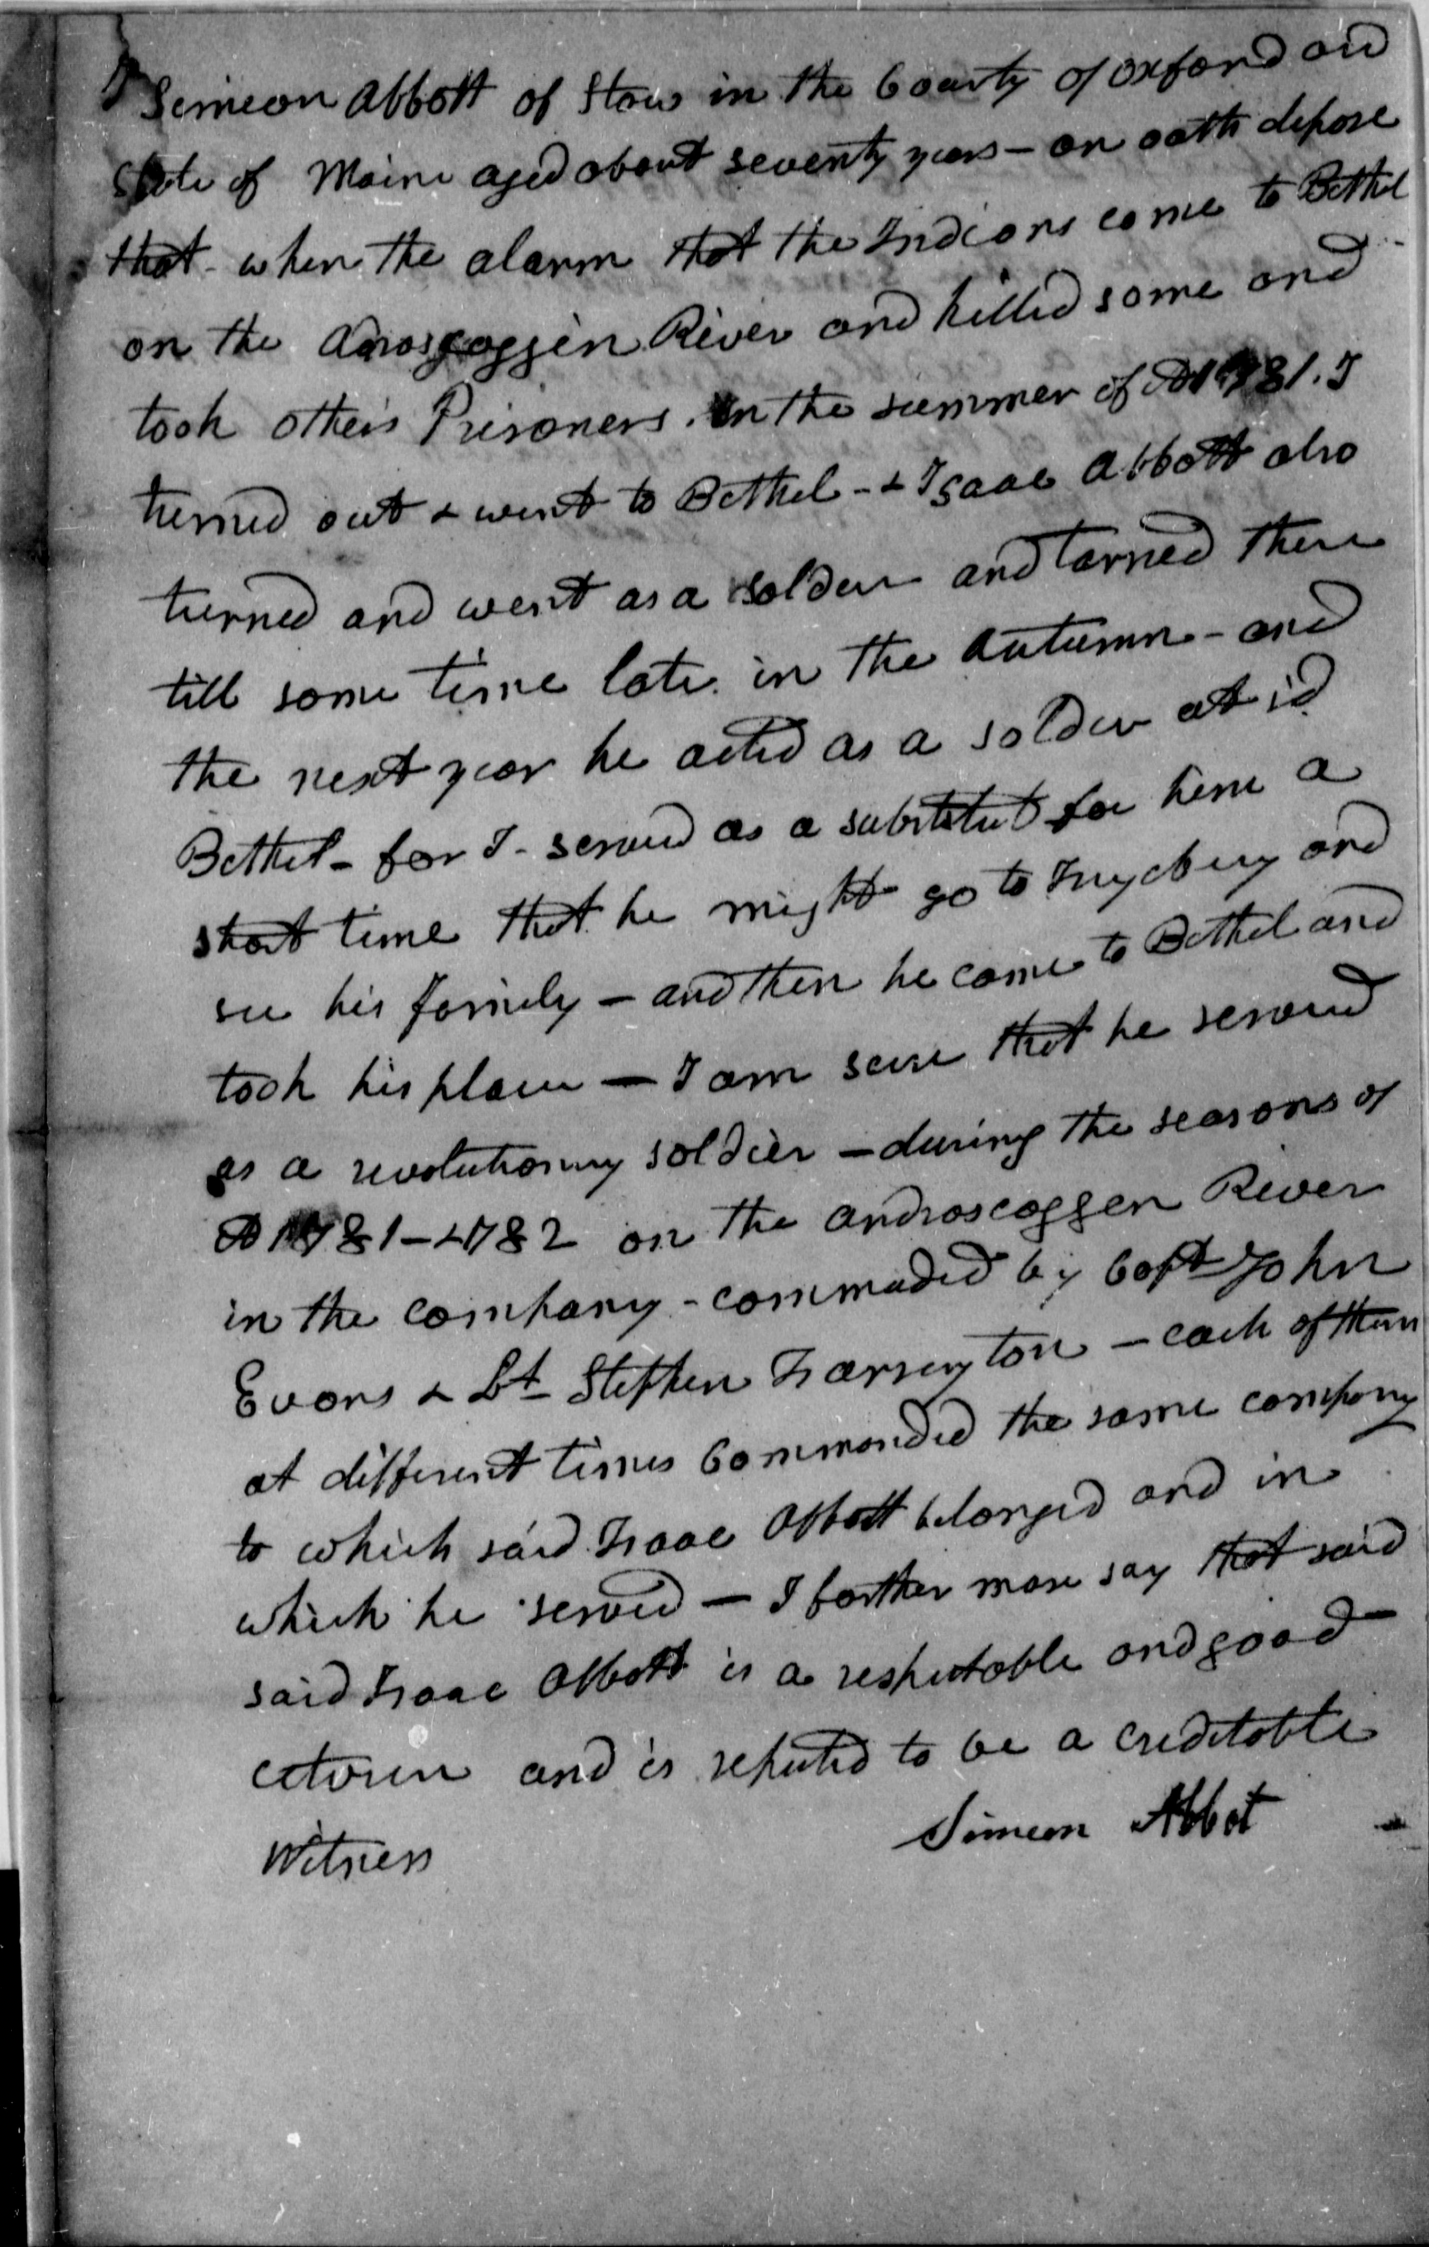I, Simon Abbott, of Stow in the County of Oxford and State of Maine, aged about seventy years - on oath depose that when the alarm that they Indians came to Bethel on the Androscoggin River, and killed some and took others prisoners, in the Summer of A.D. 1781. I turned out + went to Bethel - + Isaac Abbott also turned and went as a soldier and turned there till some time later in the Autumn - and the next year he acted as a soldier at said Bethel - for I served as a substitute for him a short time that he might go to Fryeburg and see his family - and then he came to Bethel and took his place - I am sure that he served as a Revolutionary Soldier - during the seasons of A.D. 1781-1782 on the Androscoggin River in the Company commanded by Capt. John Evans + Lt. Stephen Farrington - each of them at different times commanded the same Company to which said Isaac Abbott belonged and in which he served - I further more say that said Isaac Abbott is a respectable and good citizen and is reputed to be a credible witness.
[SIGNED: Simon Abbott]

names: Stephen Farrington, Isaac Abbott, Isaac Abbott, John Evans, Simeon Abbot, Isaac Abbott, Simeon Abbott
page: 41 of 86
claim: survivor's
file: S 29,568, Isaac Abbot, Mass